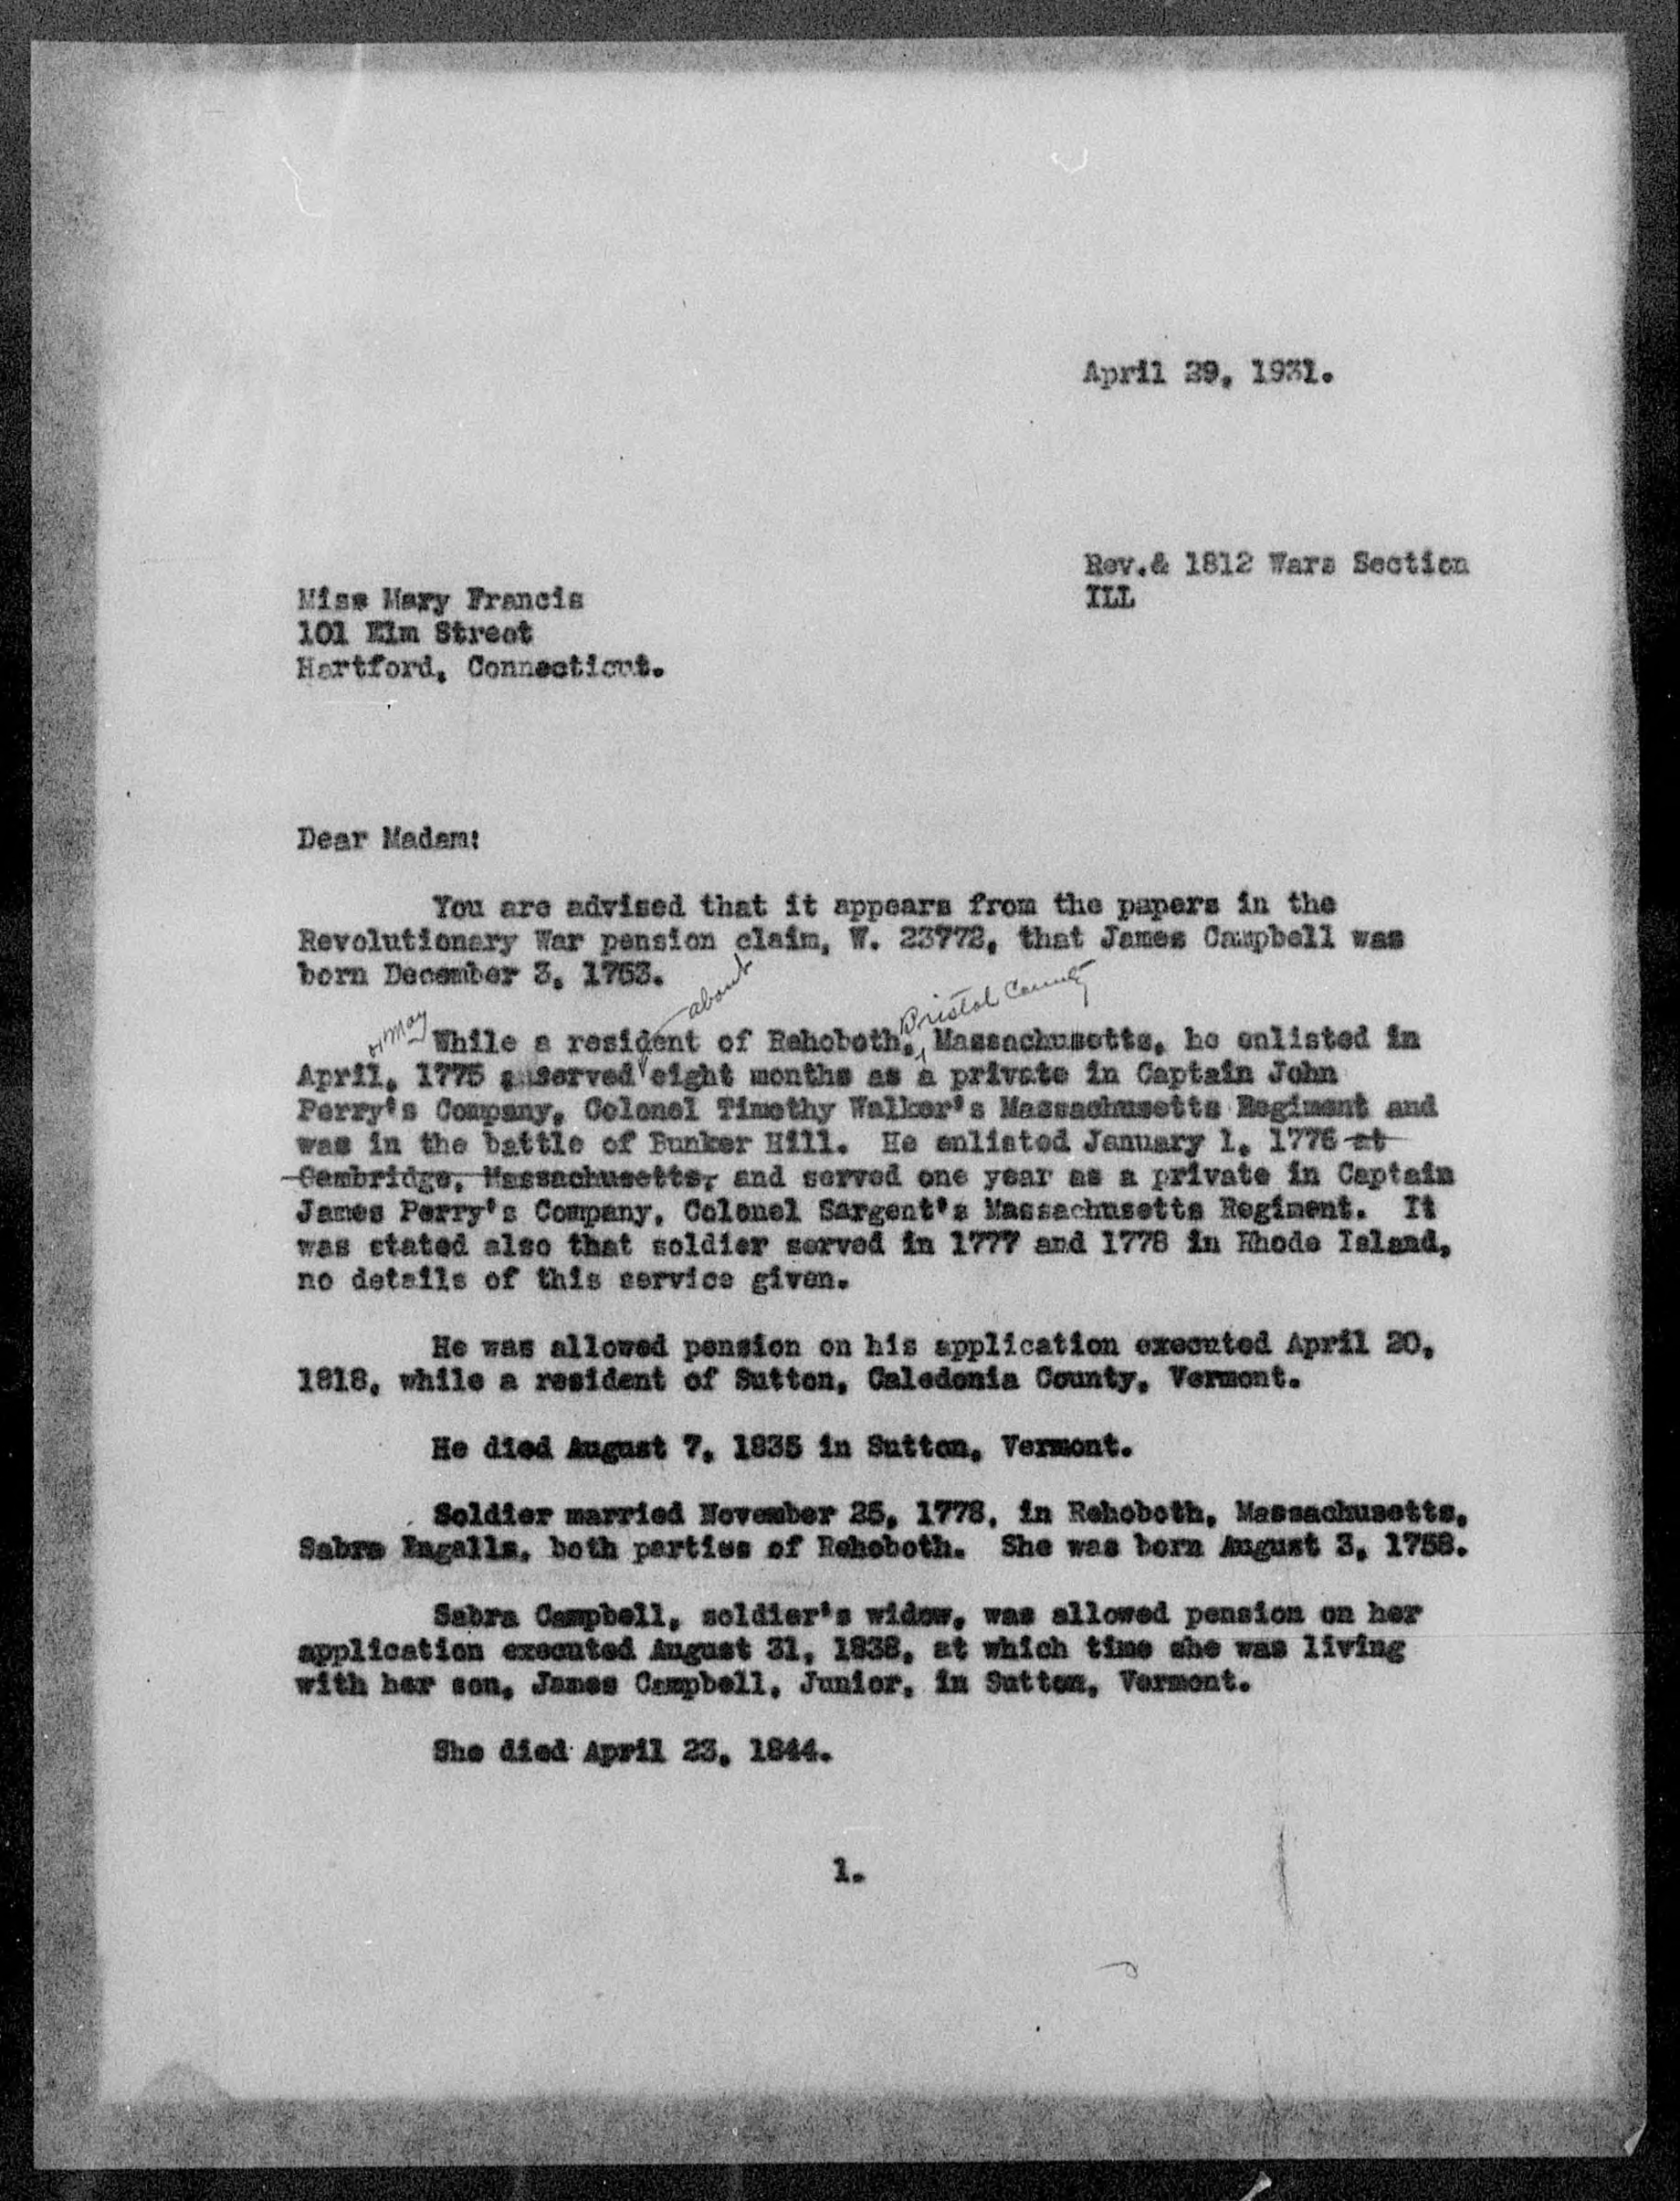April 29, 1931.

Rev.& 1812 Wars Section
ILL

Miss Mary Francis
101 Elm Street
Hartford, Connecticut.

Dear Madam:

You are advised that it appears from the papers in the Revolutionary War pension claim, W. 23772, that James Campbell was born December 3, 1753.

While a resident of Rehoboth Bristol County Massachusetts, he enlisted in April or May, 1775 & served about eight months as a private in Captain John Perry's Company, Colonel Timothy Walker's Massachusetts Regiment and
was in the battle of Bunker Hill. He enlisted January 1, 1776 ("at Cambridge, Massachusetts," crossed out) and served one year as a private in Captain James Perry's Company, Colonel Sargent's Massachusetts Regiment. It was stated also that soldier served in 1777 and 1778 in Rhode Island, no details of this service given.

He was allowed pension on his application executed April 20, 1818, while a resident of Sutton, Caledonia County, Vermont.
He died August 7, 1835 in Sutton, Vermont.

Soldier married November 25, 1778, in Rehoboth, Massachusetts, Sabra Ingalls, both parties of Rehoboth. She was born August 3, 1758.

Sabra Campbell, soldier's widow, was allowed pension on her application executed August 31, 1838, at which time she was living with her son, James Campbell, Junior, in Sutton,  Vermont.

She died April 23, 1844.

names: Mary Francis, Sabra Ingalls, Sabra Campbell, James Campbell, James Campbell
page: 66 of 67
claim: widow's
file: W. 23772, James Campbell, Continental Mass.